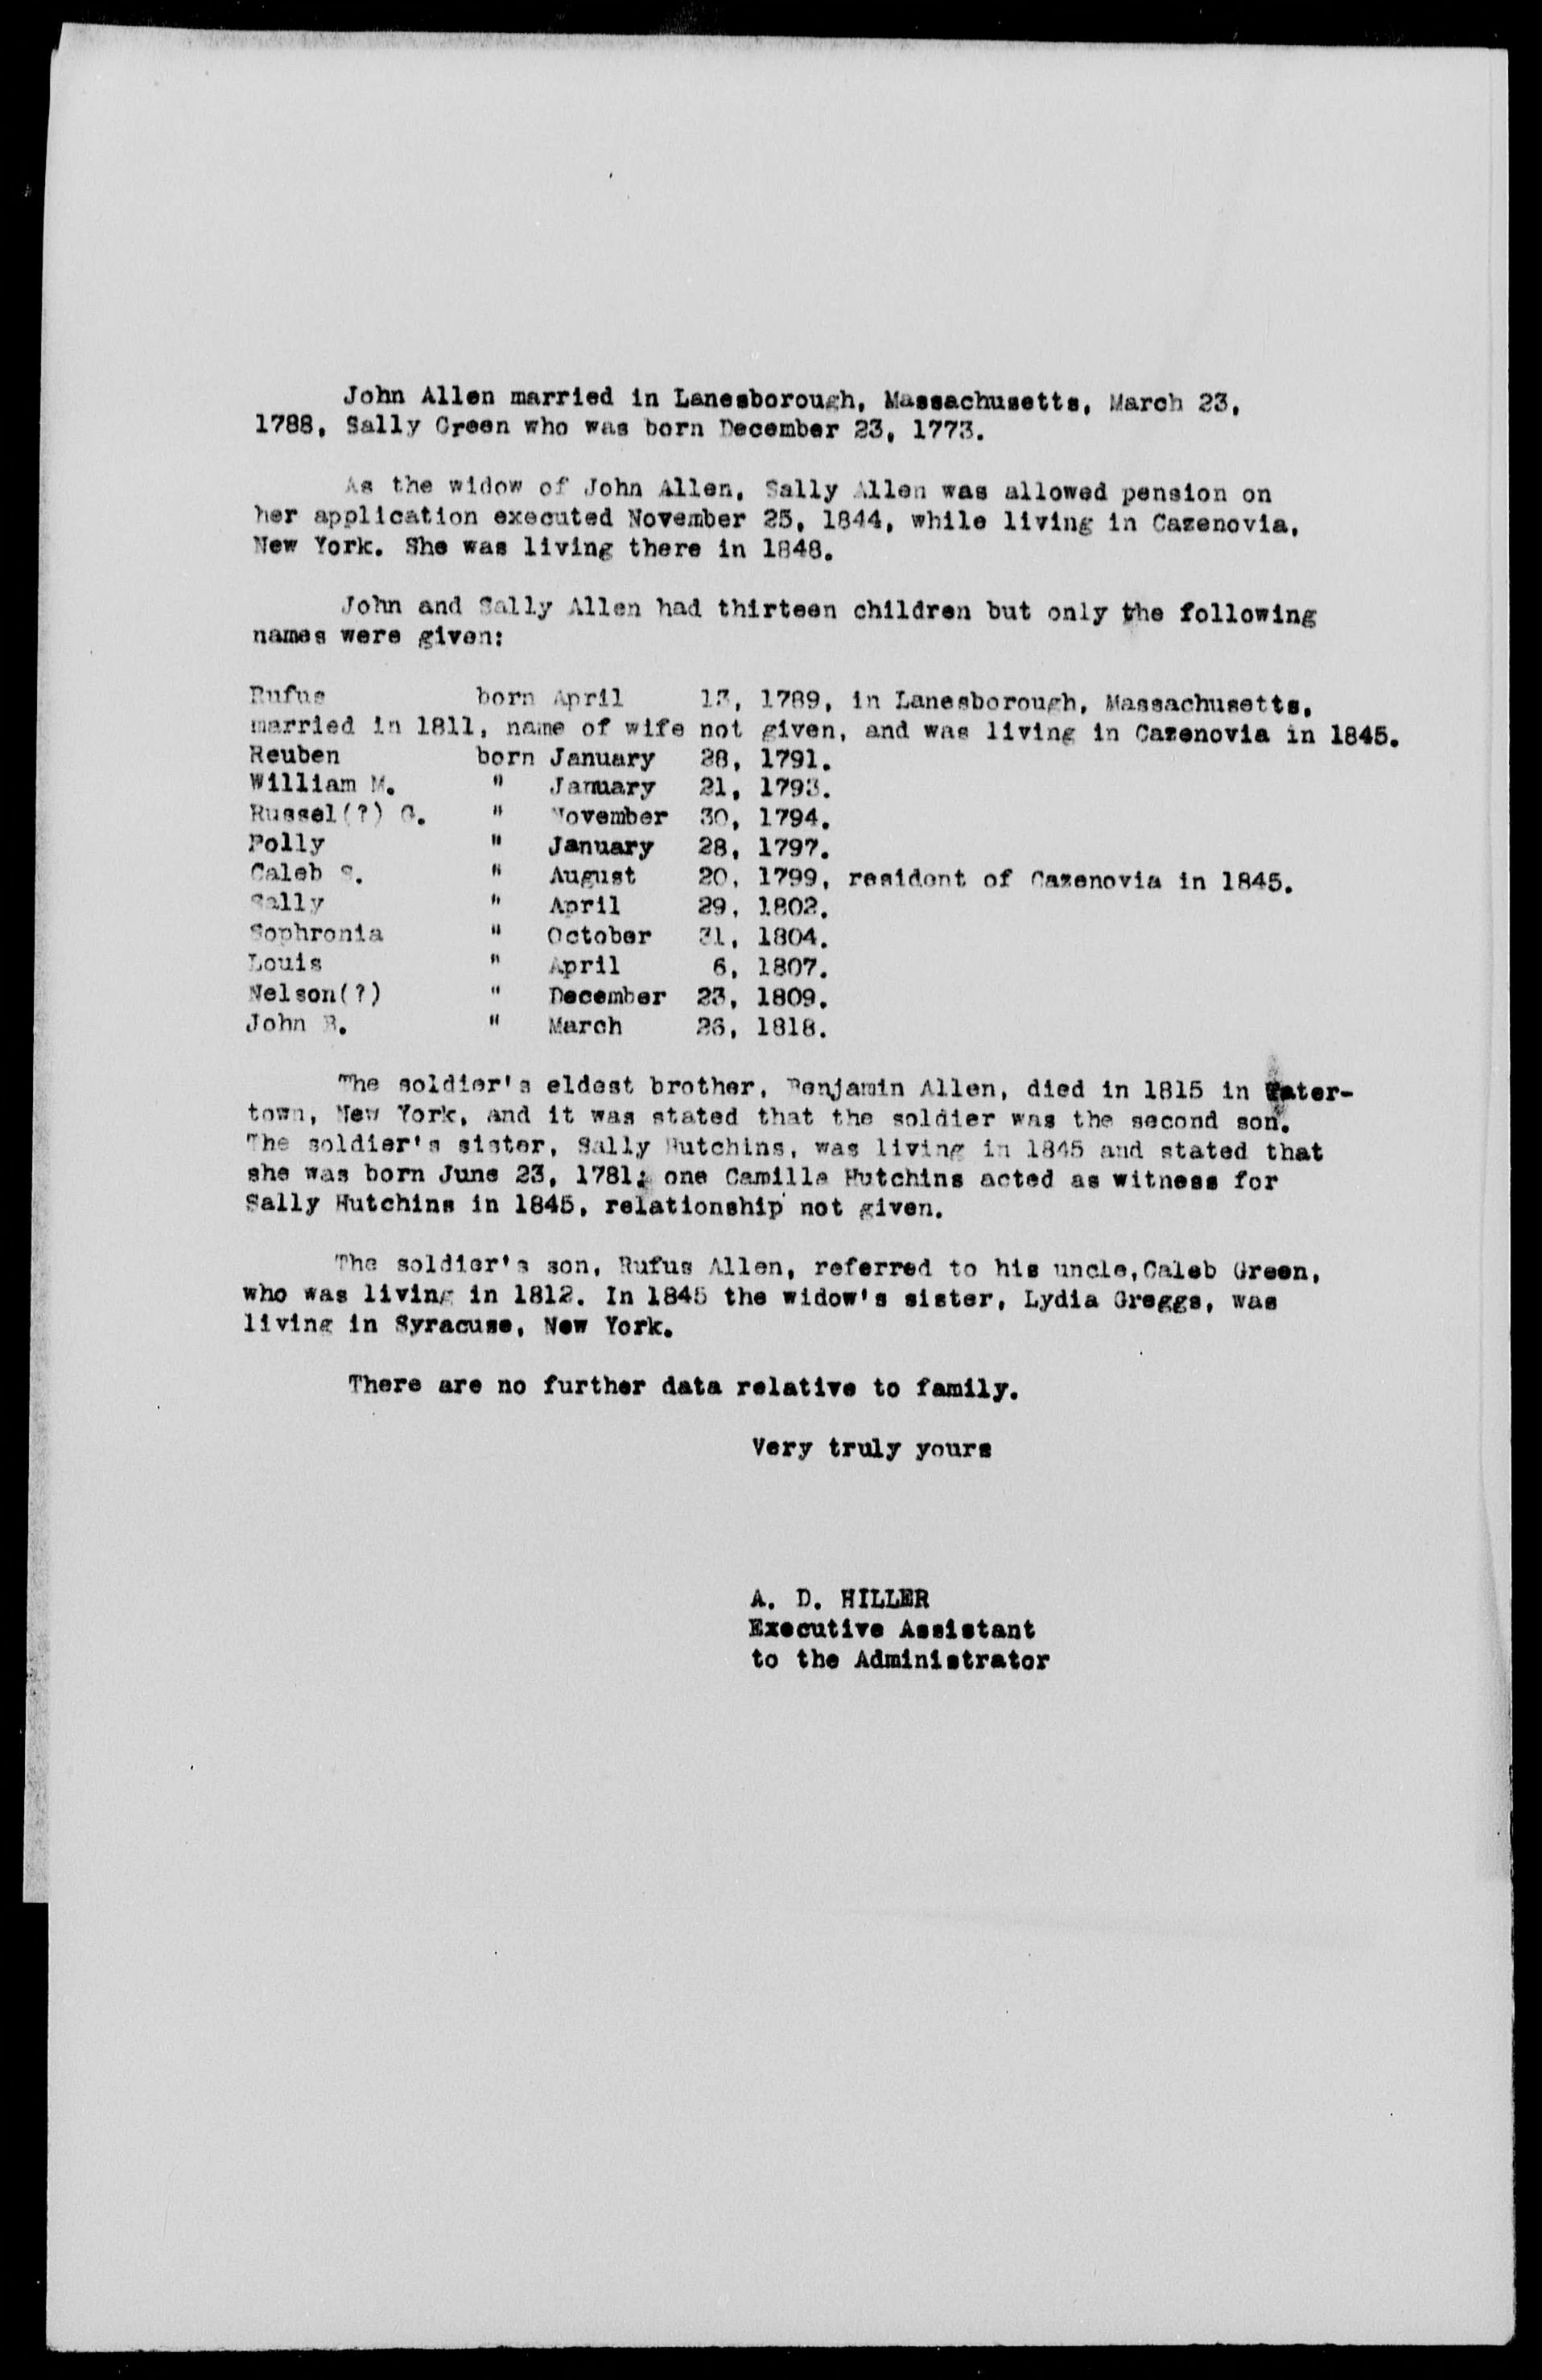John Allen married in Lanesborough, Massachusetts, March 23, 1788, Sally Green who was born December 23, 1773. 
As the widow of John Allen, Sally Allen was allowed pension on her application executed November 25, 1844, while living in Cazenovia, New York. She was living there in 1848. 
John and Sally Allen had thirteen children but only the following names were given: 
Rufus born April 13, 1789, in Lanesborough, Massachusetts, married in 1811, name of wife not given, and was living in Cazenovia in 1845.
Reuben born January 28, 1791
William M. “ January 21, 1793.
Russel(?) G. “ November 30, 1794,
Polly “ January 28, 1797.
Caleb S. “ August 20, 1799, resident of Cazenovia in 1845.
Sally “ April 29, 1802,
Sophronia “ October 31, 1804.
Louis “ April 6, 1807.
Nelson (?) “ December 23, 1809.
John B. “ March., 26, 1818.
The soldier's eldest brother, Benjamin Allen, died in 1815 in Watertown, New York, and it was stated that the soldier was the second son. The soldier's sister, Sally Hutchins, was living in 1845 and stated that she was born June 23, 1781, one Camilla Hutchins acted as witness for Sally Hutchins in 1845, relationship not given. 
The soldier's son, Rufus Allen, referred to his uncle, Caleb Green, who was living in 1812. In 1845 the widow's sister, Lydia Greggs, was living in Syracuse, New York. 
There are no further data relative to family.
Very truly yours 
A. D. HILLER Executive Assistant to the Administrator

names: Caleb S, Sally Green, Caleb Green, Sally Hutchins, William M, Rufus Allen, Rufus, Sally Allen, Camilla Hutchins, Benjamin Allen, John Allen, John Allen, John Allen, John B, Reuben, A D Hiller, Sally Hutchins, Sophronia, Sally, Louis, Nelson, Polly, Lydia Greggs, Russel G, Sally Allen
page: 72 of 74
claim: widow's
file: W. 23424, John Allen, Mass. R. I.